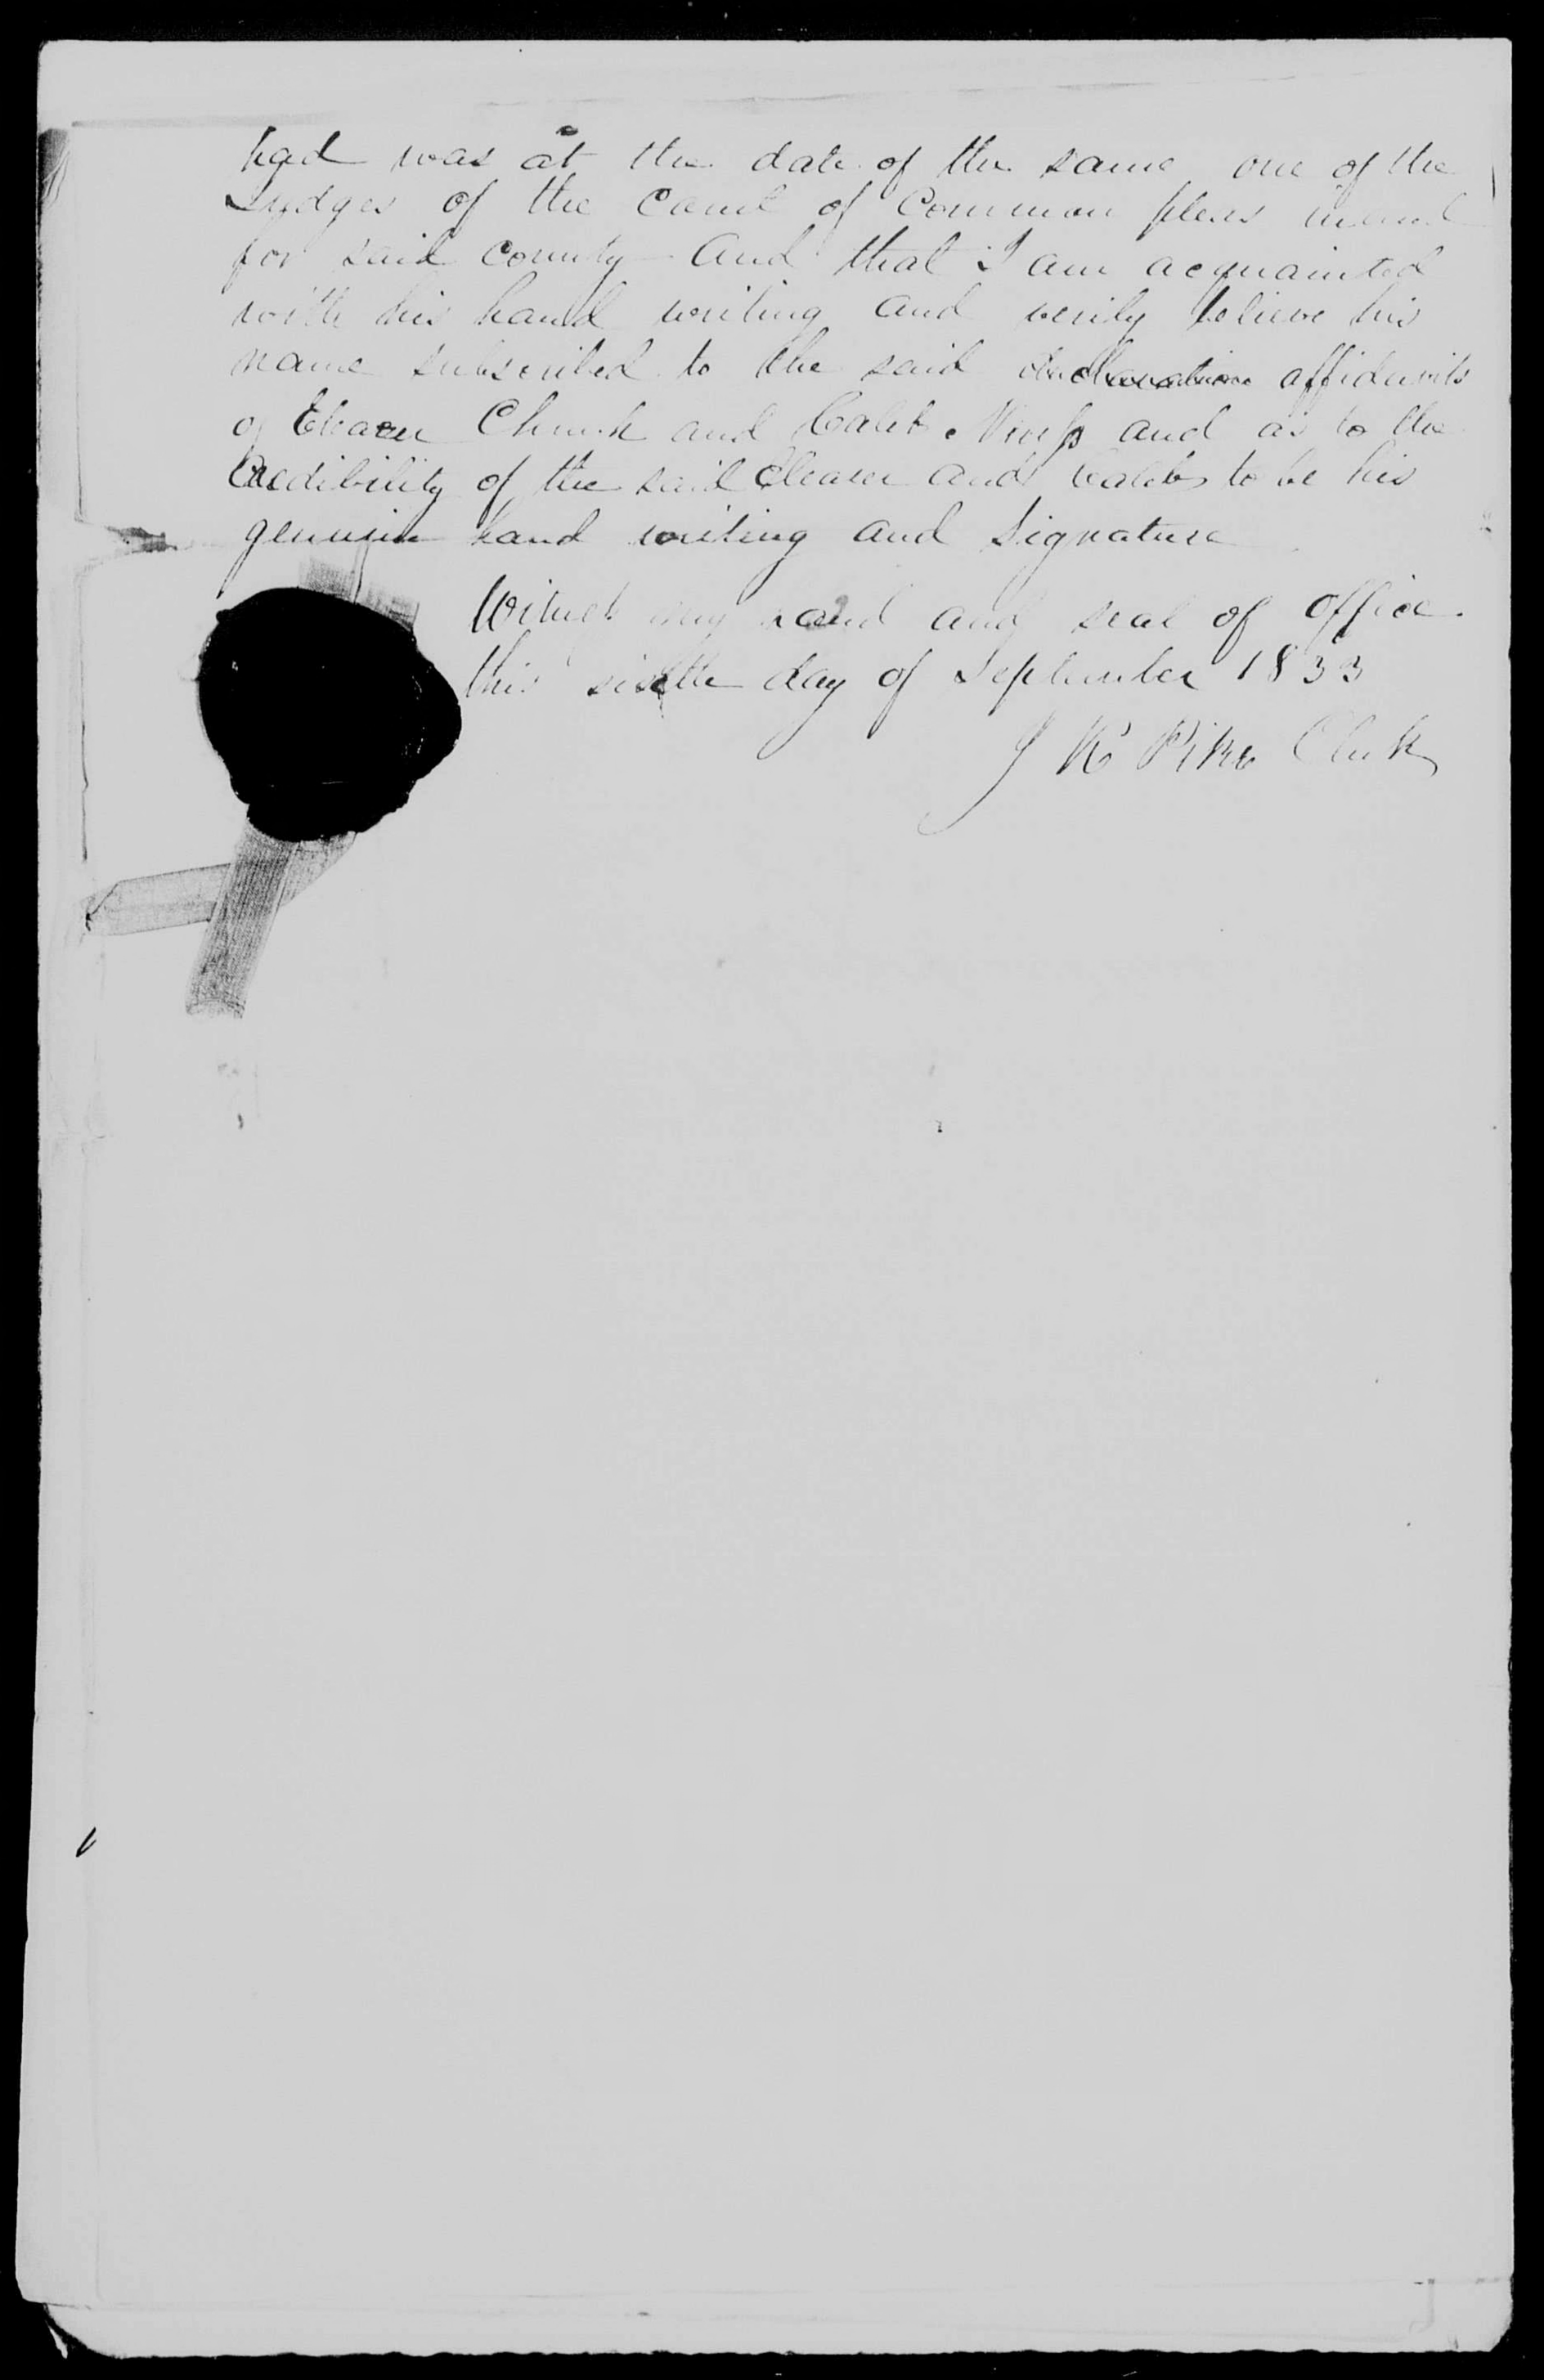had was at the date of the same one of the Judges of the Court of Common pleas in and for said county - And that I am acquainted with his hand writing and verily believe his name subscribed to the said declarations affidavits of Eleazer Church and Caleb Nurss and as to the credibility of the said Eleazer and Caleb to be his genuine hand writing and Signature.
[court seal affixed] Witness my hand and seal of Office this sixth day of September 1833
/s/J K Pike Clerk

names: Eleazer, Eleazer Church, Caleb Nurss, Caleb, J K Pike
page: 11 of 14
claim: survivor's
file: S. 32116, Levi Bemis, Vt.